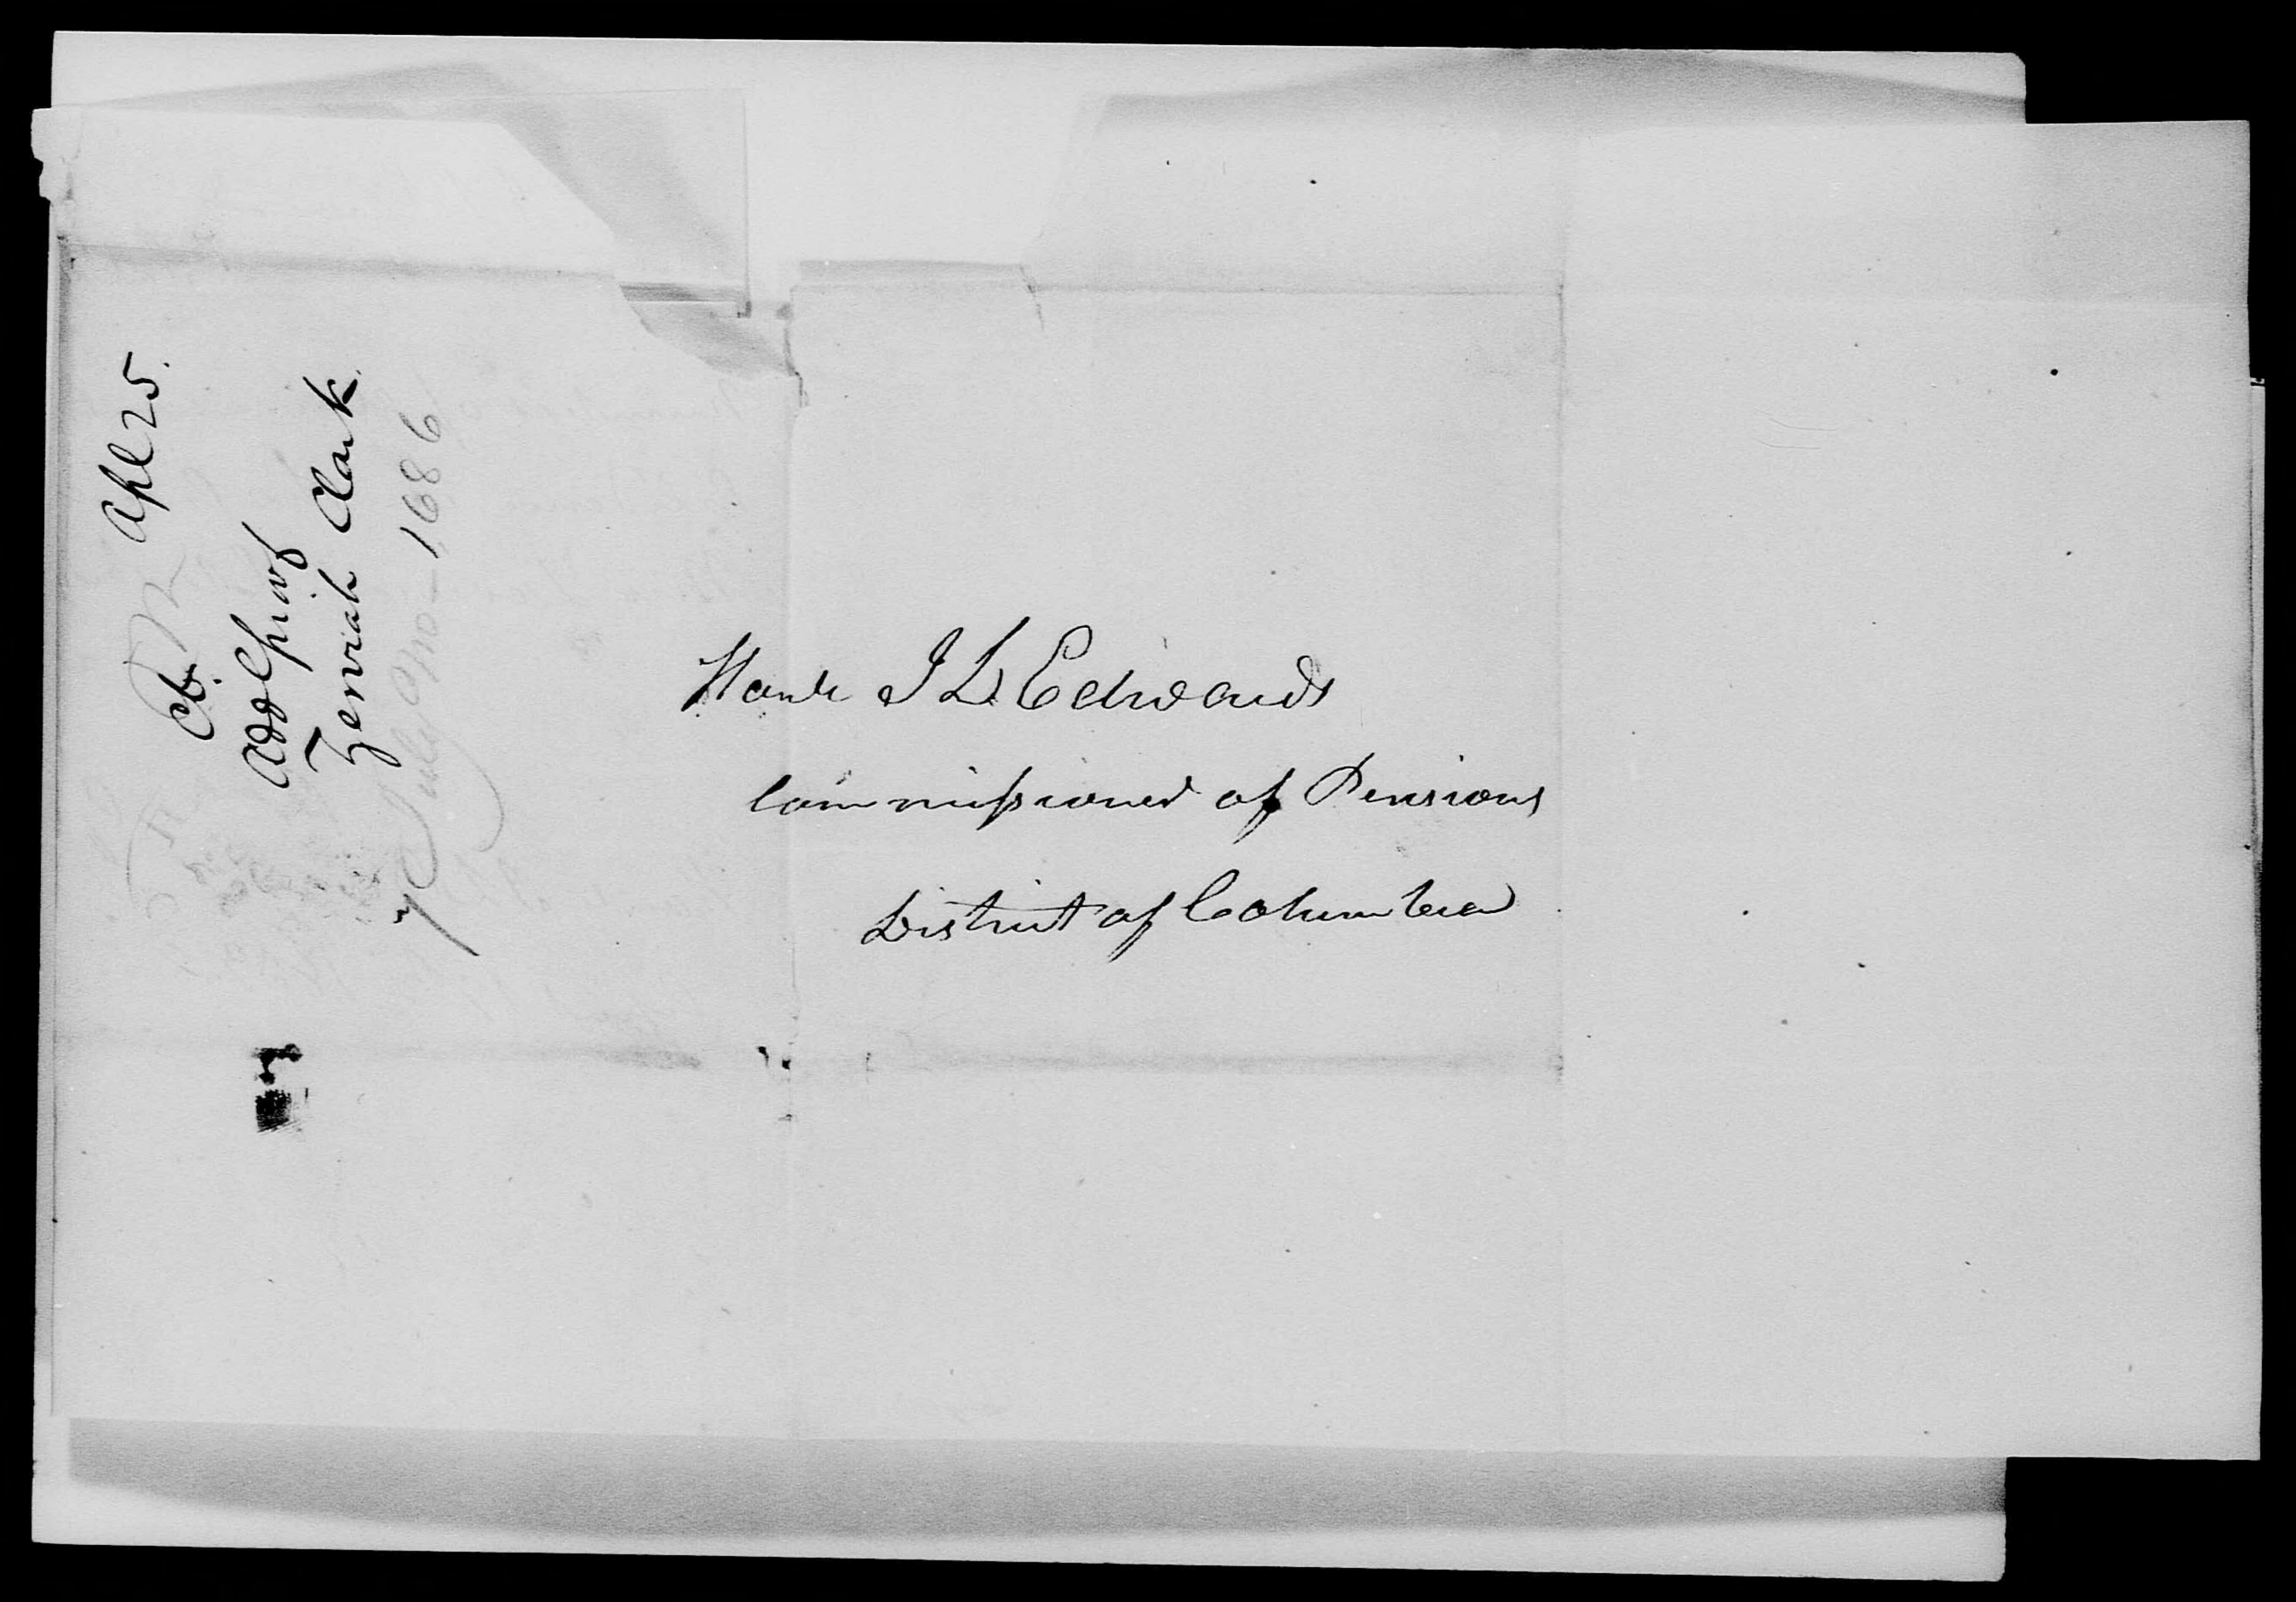[handwritten]
Honb J L Edwards
Commissioner of Pensions
District of Columbia 

[written in the margin on the left]
Apl 25
Ct
Addl proof 
Zeruiah Clark
July No - 1686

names: Zeruiah Clark, J L Edwards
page: 8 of 26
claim: widow's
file: W. 14483, Reuben Clark, Conn.